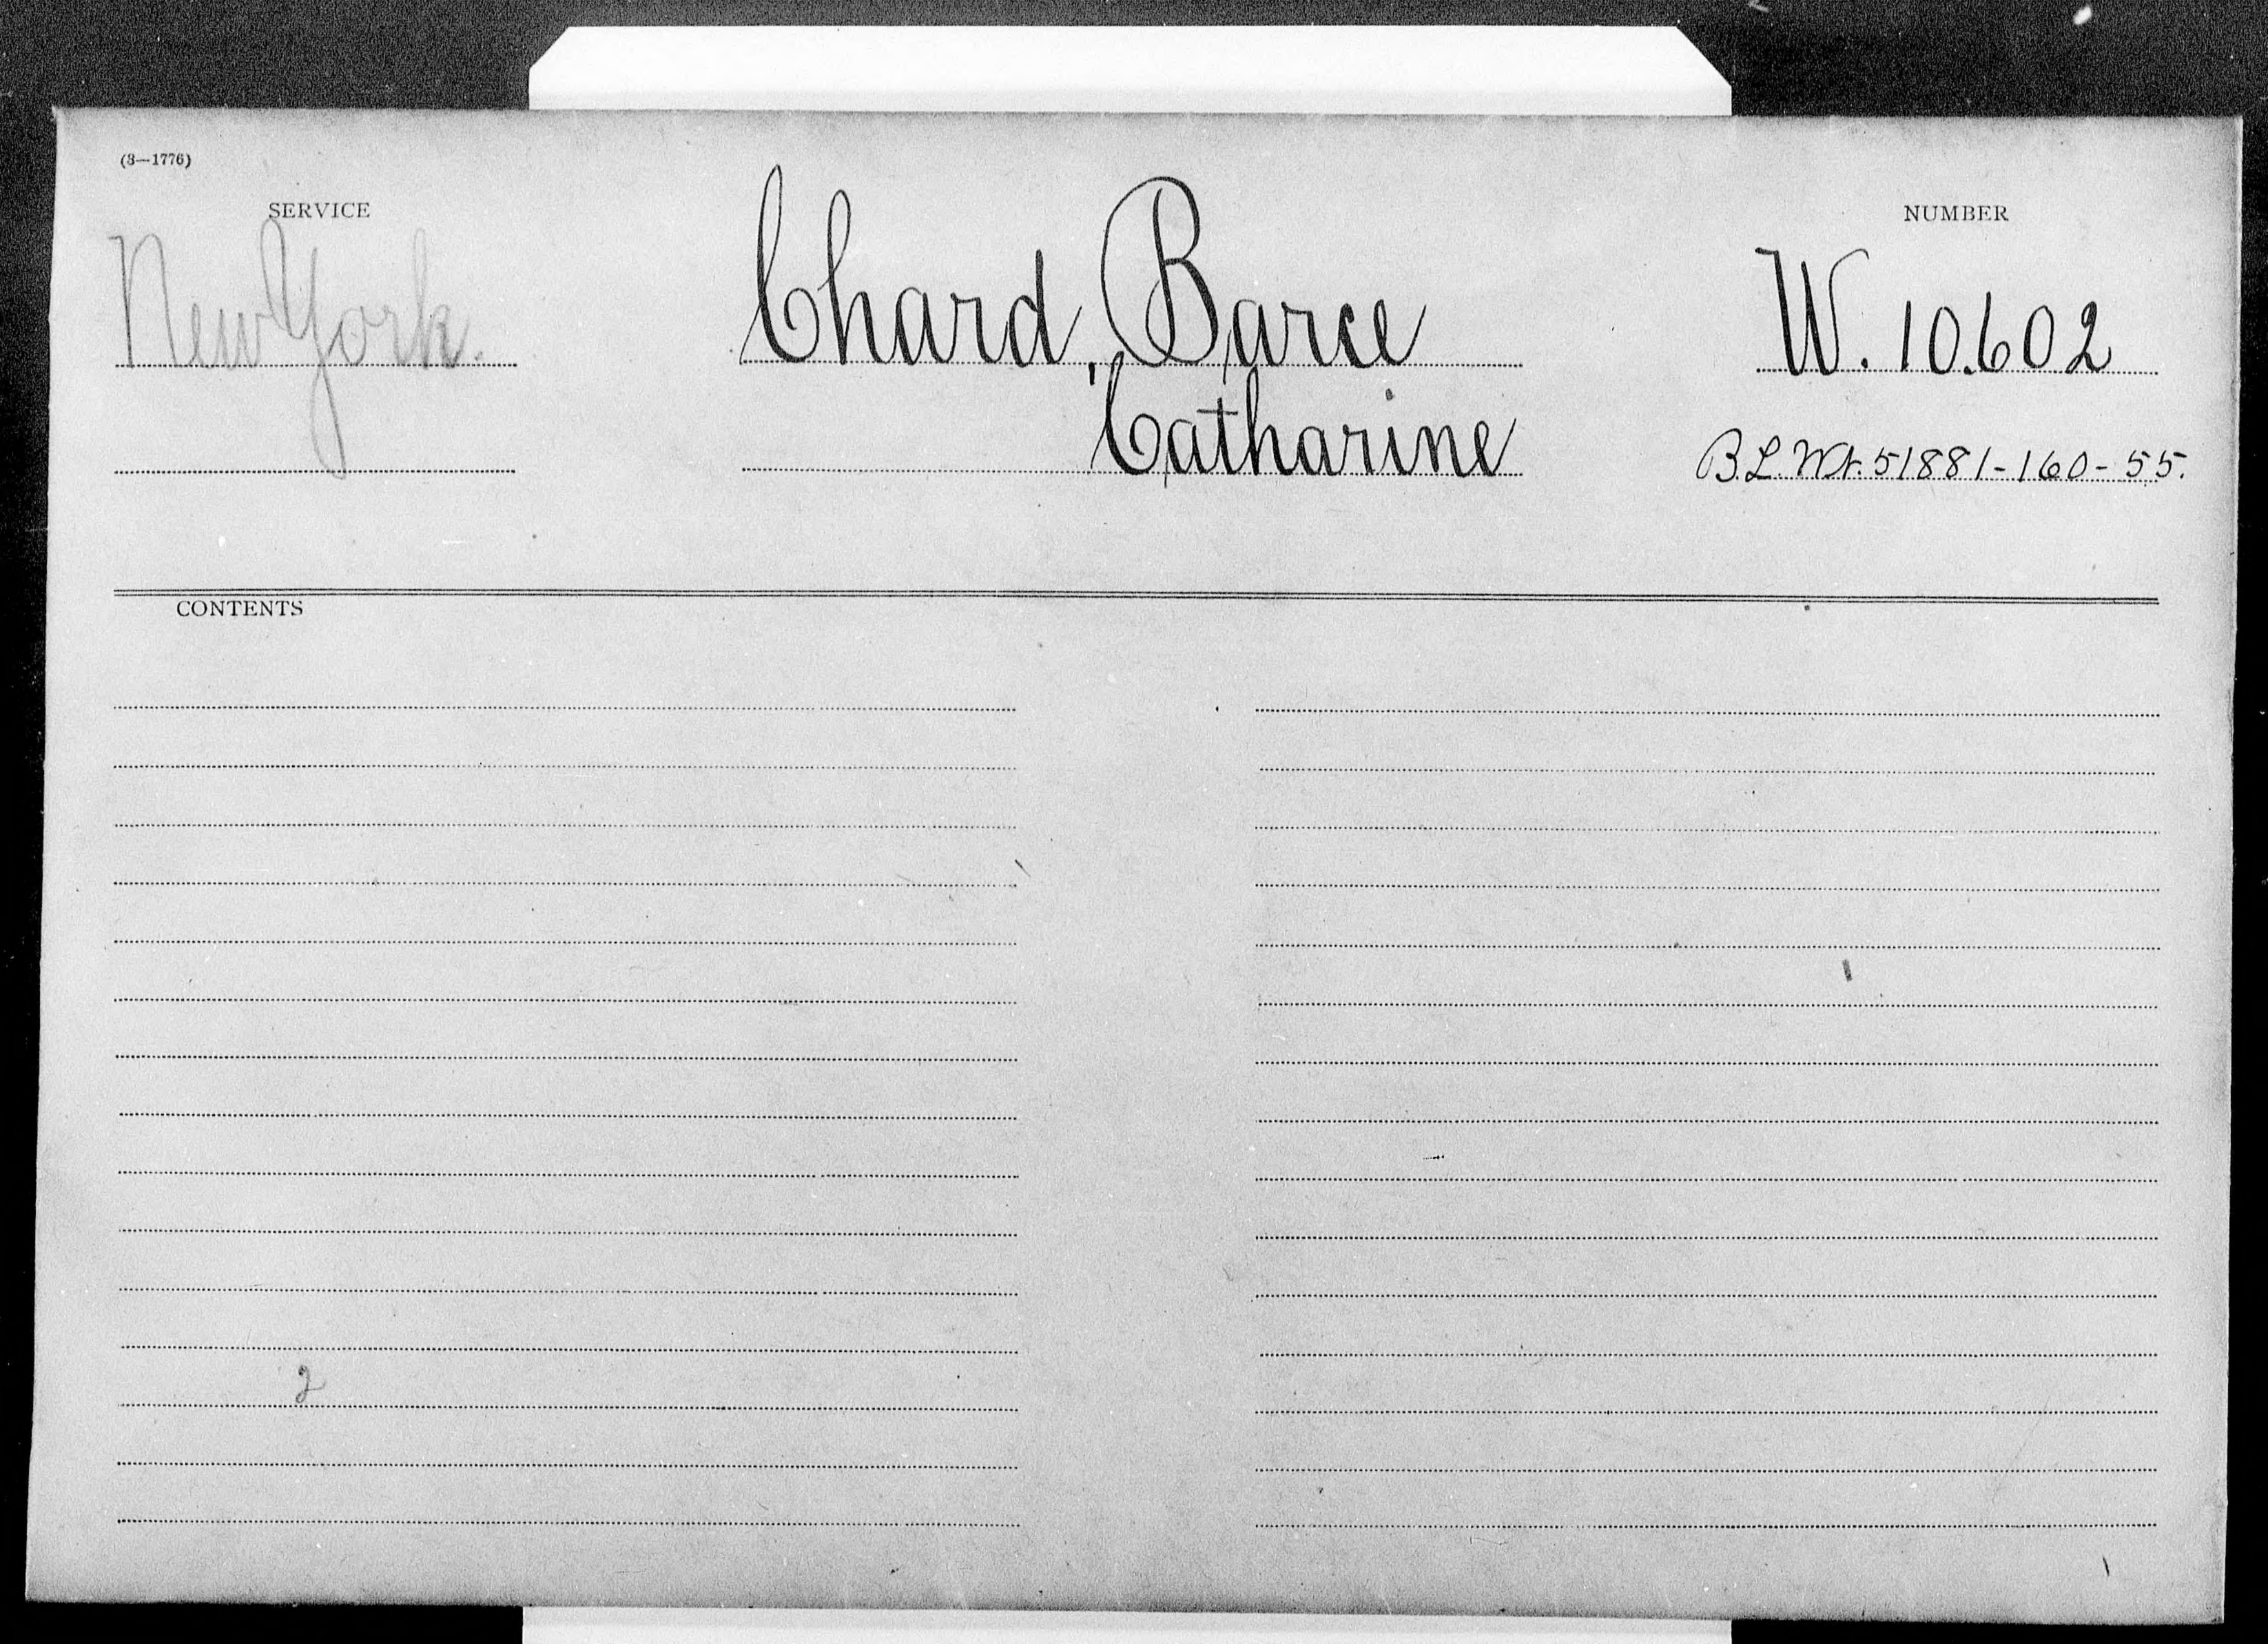Service: New York
Chard, Barce (Catharine)
Number: W. 10,602
B.L.Wt. 51881-160-55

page: 1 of 47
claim: widow's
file: W. 10,602, Barce Chard, New York.